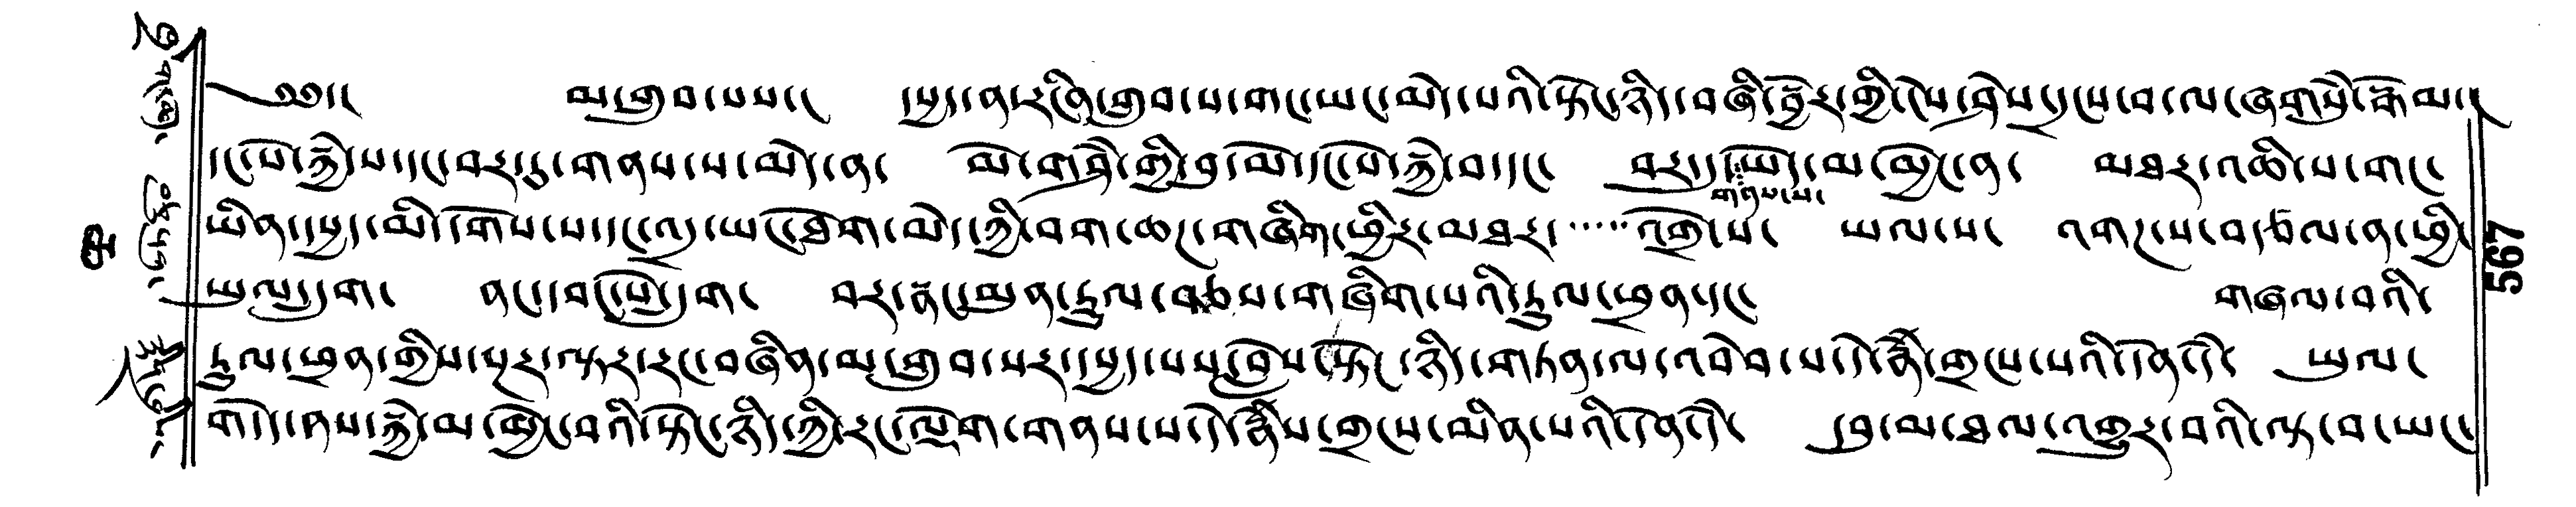མ་གྲུབ་པས། དཔྱད་ན་རང་བཞིན་གྲུབ་པ་གང་ཡང་མེད་པའི་སྟོང་ཉིད་བཞི་སྦྱོར་གྱི་ངེས་ཤེས་དྲངས་བ་ལ་ཞག་གསུམ་སྒོམ། 
དང་པོ་སྐྱེ་བ་དང་བར་དུ་གནས་པ་མེད་ན། མོ་གཤམ་གྱི་བུ་མོ་དང་པོ་སྐྱེ་བ་དང་། བར་དུ་གནས་པ་ཡོད་མ་མྱོང་ན། མཐར་འཆི་བ་གང་
ཡིན་དཔྱད་མི་དགོས་པ་དང་འདྲ་ཡང་ཐོག་མེད་ཀྱི་བག་ཆགས་གཞིག་ཕྱིར་མཐར་འགྲོ་ས། ཡལ་ས་འགགས་ས་བཙལ་ན་ཕྱི་
ཡུལ་དྲུག ནང་དབང་པོ་དྲུག བར་སྣང་མུན་རྡུལ་བཅས་གཞིགས་པའི་རྡུལ་ཕྲན་དང་། གཞལ་བའི་
རྡུལ་ཕྲན་གྱིས་སྔར་ལྟར་རང་བཞིན་མ་གྲུབ་པར་དཔྱད་པས་བློས་སྟོང་ཉིད་གཏན་ལ་འབེབས་པ་དེ་རྣམ་གྲངས་པའི་དོན་དམ། ཡུལ་
གདོད་ནས་སྐྱེ་མ་མྱོང་བའི་སྟོང་ཉིད་ཀྱི་རང་ལྡོག་གནས་པ་དེ་རྣམ་གྲངས་མིན་པའི་དོན་དམ། དབུ་མ་ཐལ་འགྱུར་བའི་ལྟ་བ་ཡང་